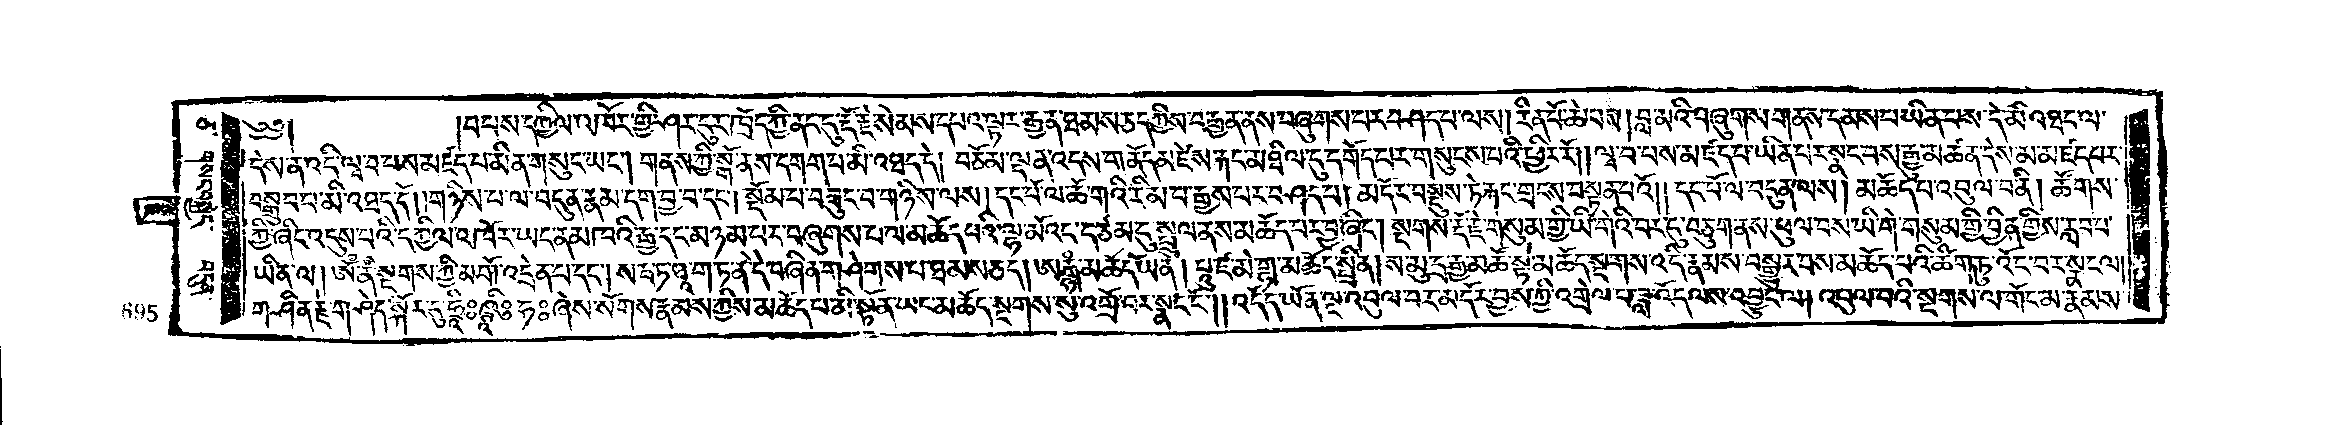༄༅། །བ་པས་དཀྱིལ་འཁོར་གྱི་ཤར་དུར་ཁྲོད་ཀྱི་ནང་དུ་རྡོ་རྗེ་སེམས་དཔའ་ལྟར་རྒྱན་ཐམས་ཅད་ཀྱིས་བརྒྱན་ནས་བཞུགས་པར་བཤད་པ་ལས། རིན་པོ་ཆེ་པས། བླ་མའི་བཞུགས་གནས་དམས་པ་ཡིན་པས་དེ་མི་འཐད་ལ་
དེས་ན་འདི་ལྭ་བ་པས་མཛད་པ་མིན་གསུང་ཡང་། གནས་ཀྱི་སྒོ་ནས་དགག་པ་མི་འཐད་དེ། བཅོམ་ལྡན་འདས་གནོད་མཛེས་རྐང་མཐིལ་དུ་དགོད་པར་གསུངས་པའི་ཕྱིར་རོ། །ལྭ་བ་པས་མཛད་པ་ཡིན་པར་སྣང་བས་རྒྱུ་མཚན་དེས་མ་མཛད་པར་
བསྒྲུབ་པ་མི་འཐད་དོ། །གཉིས་པ་ལ་བདུན་རྣམ་དག་བྱ་བ་དང་། སྡོམ་པ་བཟུང་བ་གཉིས་ལས། དང་པོ་ལ་ཆོ་གའི་རིམ་པ་རྒྱས་པར་བཤད་པ། མདོར་བསྡུས་ཏེ་རྐང་གྲངས་བསྟན་པའོ། །དང་པོ་ལ་བདུན་ལས། མཆོད་པ་འབུལ་བ་ནི། ཚོགས་
ཀྱི་ཞིང་འདུས་པའི་དཀྱིལ་འཁོར་ཡང་ནམ་མཁའི་རྒྱ་དང་མཉམ་པར་བཞུགས་པ་ལ་མཆོད་པའི་ལྷ་མོའང་དེ་ཙམ་དུ་སྤྲུལ་ནས་མཆོད་པར་བྱ་ཞིང་། སྔགས་རྡོ་རྗེ་གསུམ་གྱི་ཡི་གེའི་བར་དུ་བཅུག་ནས་ཕུལ་བས་ཡི་གེ་གསུམ་གྱི་བྱིན་གྱིས་རླབ་པ་
ཡིན་ལ། ཨོཾ་ནི་སྔགས་ཀྱི་མགོ་འདྲེན་པ་དང་། སརྦ་ཏ་ཐཱ་ག་ཏ་ནི་དེ་བཞིན་གཤེགས་པ་ཐམས་ཅད། ཨརགྷཾ་མཆོད་ཡོན། པཱུ་ཛ་མེ་གྷ་མཆོད་སྤྲིན། ས་མུ་དྲ་རྒྱ་མཚོ་སྟེ་མཆོད་སྔགས་འདི་རྣམས་བསྒྱུར་བས་མཆོད་པའི་ཚིག་ཏུ་འོང་བར་སྣང་ལ།
གཤིན་རྗེ་གཤེད་སྐོར་དུ་ཧྲཱིཿ ཥྚཱིཿ ཧཿ ཞེས་སོགས་རྣམས་ཀྱིས་མཆོད་པ་མི་སྟོན་ཡང་མཆོད་སྔགས་སུ་འགྲོ་བར་སྣང་ངོ། །འདོད་ཡོན་ལྔ་འབུལ་བར་མདོར་བྱས་ཀྱི་འགྲེལ་པ་ཟླ་འོད་ལས་འབྱུང་ལ། འབུལ་བའི་སྔགས་ལ་གོང་མ་རྣམས་